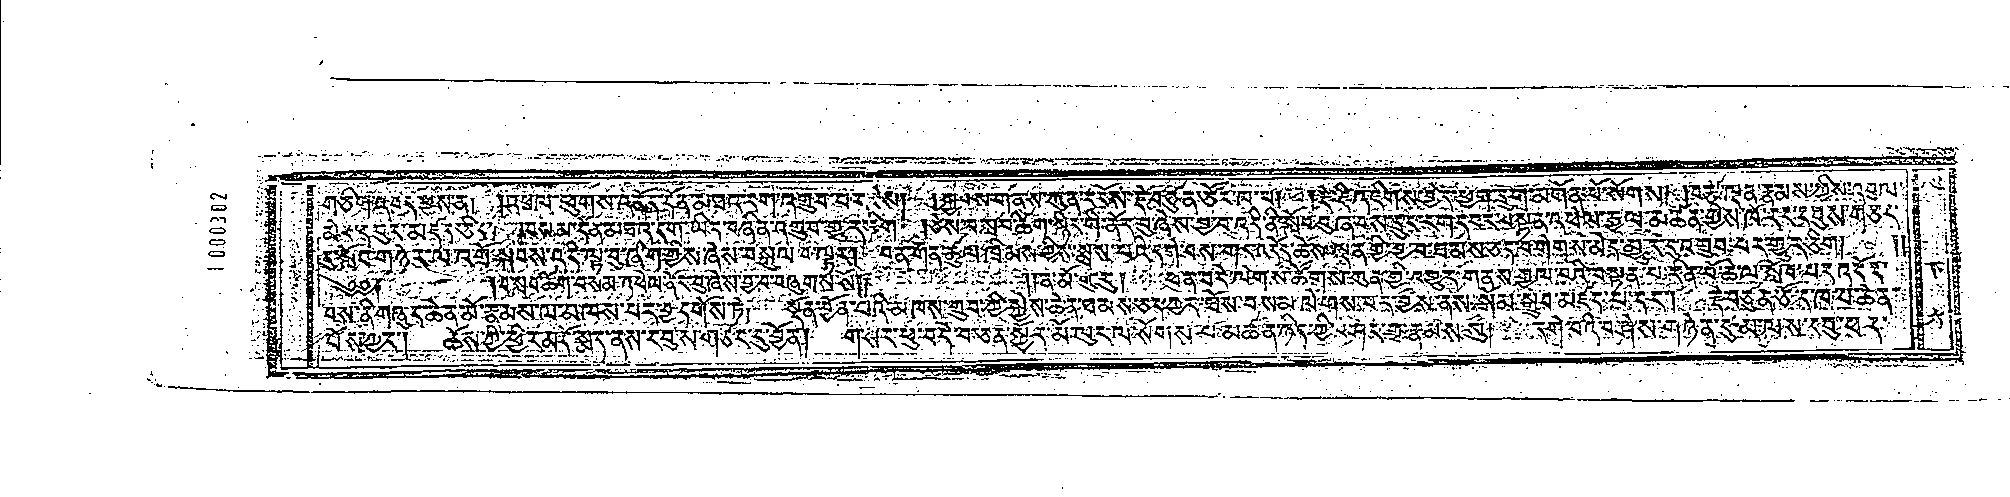གཅིག་འབད་བྱས་ན། །འཕྲལ་ཕུགས་འདོད་དོན་མཐའ་དག་འགྲུབ་པར་ངེས། །སྐྱབས་གནས་ཀུན་དངོས་རྗེ་བཙུན་ཙོང་ཁ་པ། །རྡོ་རྗེ་འཇིགས་བྱེད་ཕྱག་དྲུག་མགོན་པོ་སོགས། །བརྩེ་ལྡན་རྣམས་ཀྱིས་འབུལ་
མེད་དབུང་མཛད་ཅིང་། །བསམ་དོན་མཐའ་དག་ཡིད་བཞིན་འགྲུབ་གྱུར་ཅིག །ཅེས་བསླབ་ཚིག་སྙིང་གི་ནོར་བུ་ཞེས་བྱ་བ་འདི་ནི་སློབ་བུ་ཞབས་དྲུང་ངག་དབང་བསྟན་འཕེལ་རྒྱལ་མཚན་གྱིས་ཁོ་རང་དབུས་གཙང་
དུ་སློབ་གཉེར་ལ་འགྲོ་སྐབས་འདི་ལྟ་བུ་ཞིག་གྱིས་ཞེས་བསྐུལ་བ་ལྟར། བན་རྒན་ཚུལ་ཁྲིམས་གྱིས་སྨྲས་པའི་དགེ་བས་གང་འདོད་ཆོས་ལྡན་གྱི་བྱ་བ་ཐམས་ཅད་བགེགས་མེད་མྱུར་དུ་འགྲུབ་པར་གྱུར་ཅིག། །།
༄༅། །བསླབ་ཚིག་བསམ་འཕེལ་ནོར་བུ་ཞེས་བྱ་བ་བཞུགས་སོ།། །།ན་མོ་གུ་རུ། ཕན་བདེ་ལེགས་ཚོགས་ཀུན་གྱི་འབྱུང་གནས་རྒྱལ་བའི་བསྟན་པ་རིན་པོ་ཆེ་ལ་སློབ་པར་འདོད་
པས་ནི་གཞུང་ཆེན་མོ་རྣམས་ལ་མཁས་པར་བྱ་དགོས་ཏེ། སྔོན་བྱོན་པའི་མཁས་གྲུབ་ཀྱི་སྐྱེས་ཆེན་ཐམས་ཅད་ཀྱང་ཐོས་བསམ་ལེགས་པར་བྱས་ནས་སྒོམ་སྒྲུབ་མཛད་པ་དང་། རྗེ་བཙུན་ཙོང་ཁ་པ་ཆེན་
པོས་ཀྱང་། ཆོས་ཀྱི་ཕྱིར་མངོ་སྨད་ནས་དབུས་གཙང་དུ་བྱོན། གསང་ཕུ་བདེ་བ་ཅན་སྐྱོ་ར་མོ་ལུང་ལ་སོགས་པ་མཚན་ཉིད་ཀྱི་བཤད་གྲྭ་རྣམས་སུ། དགེ་བའི་བཤེས་གཉེན་དུ་མ་ལས་དབུ་ཕར་